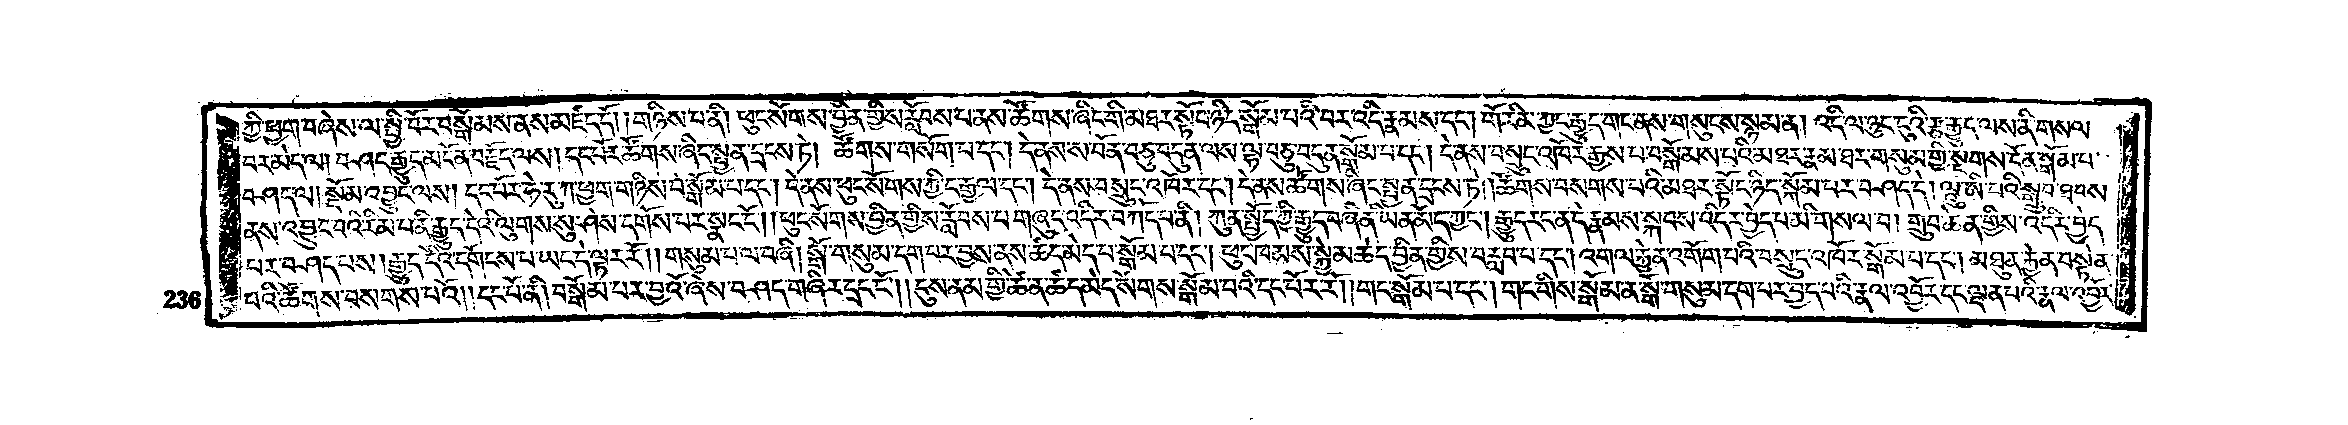ཀྱི་ཕྱག་བཞེས་ལ་སྤྱི་བོར་བསྒོམས་ནས་མཛད་དོ། །གཉིས་པ་ནི། ཕུང་སོགས་བྱིན་གྱིས་རློབས་པ་ནས་ཚོགས་ཞིང་གི་མཐར་སྟོང་ཉིད་སྒོམ་པའི་བར་འདི་རྣམས་དང་། གོ་རིམ་ཀྱང་རྒྱུད་གང་ནས་གསུངས་སྙམ་ན། འདི་ལ་ཉུང་ངུའི་རྩ་རྒྱུད་ལས་ནི་གསལ་
བར་མེད་ལ། བཤད་རྒྱུད་མངོན་བརྗོད་ལས། དང་པོར་ཚོགས་ཞིང་སྤྱན་དྲངས་ཏེ། ཚོགས་གསོག་པ་དང་། དེ་ནས་ས་བོན་བཅུ་བདུན་ལས་ལྷ་བཅུ་བདུན་སྒོམ་པ་དང་། དེ་ནས་བསྲུང་འཁོར་རྒྱས་པ་བསྒོམས་པའི་མཐར་རྣམ་ཐར་གསུམ་གྱི་སྔགས་དོན་སྒོམ་པ་
བཤད་ལ། །སྡོམ་འབྱུང་ལས། དང་པོར་ཧེ་རུ་ཀ་ཕྱག་གཉིས་པ་སྒོམ་པ་དང་། དེ་ནས་ཕུང་སོགས་ཀྱི་ང་རྒྱལ་དང་། དེ་ནས་བསྲུང་འཁོར་དང་། དེ་ནས་ཚོགས་ཞིང་སྤྱན་དྲངས་ཏེ། །ཚོགས་བསགས་པའི་མཐར་སྟོང་ཉིད་སྒོམ་པར་བཤད་དེ། ལཱུ་ཨི་པའི་སྒྲུབ་ཐབས་
ནས་འབྱུང་བའི་རིམ་པ་ནི་རྒྱུད་དེའི་ལུགས་སུ་ཤེས་དགོས་པར་སྣང་ངོ། །ཕུང་སོགས་བྱིན་གྱིས་བརློབས་པ་གཞུང་འདིར་བཀོད་པ་ནི། ཀུན་སྤྱོད་ཀྱི་རྒྱུད་བཞིན་ཡིན་མོད་ཀྱང་། རྒྱུད་རང་ན་ད་རྣམས་སྐབས་འདིར་བྱེད་པ་མི་གསལ་བ། གྲུབ་ཆེན་གྱིས་འདིར་བྱེད་
པར་བཤད་པས། རྒྱུད་དེའི་དགོངས་པ་ཡང་དེ་ལྟར་རོ། །གསུམ་པ་ལ་བཞི། སྒོ་གསུམ་དག་པར་བྱས་ནས་ཚད་མེད་པ་སྒོམ་པ་དང་། ཕུང་ཁམས་སྐྱེ་མཆེད་བྱིན་གྱིས་བརླབ་པ་དང་། འགལ་རྐྱེན་འགོག་པའི་བསྲུང་འཁོར་སྒོམ་པ་དང་། མཐུན་རྐྱེན་བསྟེན་
པའི་ཚོགས་བསགས་པའོ། །དང་པོ་ནི། བསྒོམ་པར་བྱའོ་ཞེས་བཤད་གཞིར་དྲང་ངོ། །དུས་ནམ་གྱི་ཚེ་ན་ཚད་མེད་སོགས་སྒོམ་པའི་དང་པོར་རོ། །གང་སྒོམ་པ་དང་། གང་གིས་སྒོམ་ན་སྒོ་གསུམ་དག་པར་བྱེད་པའི་རྣལ་འབྱོར་དང་ལྡན་པའི་རྣལ་འབྱོར་